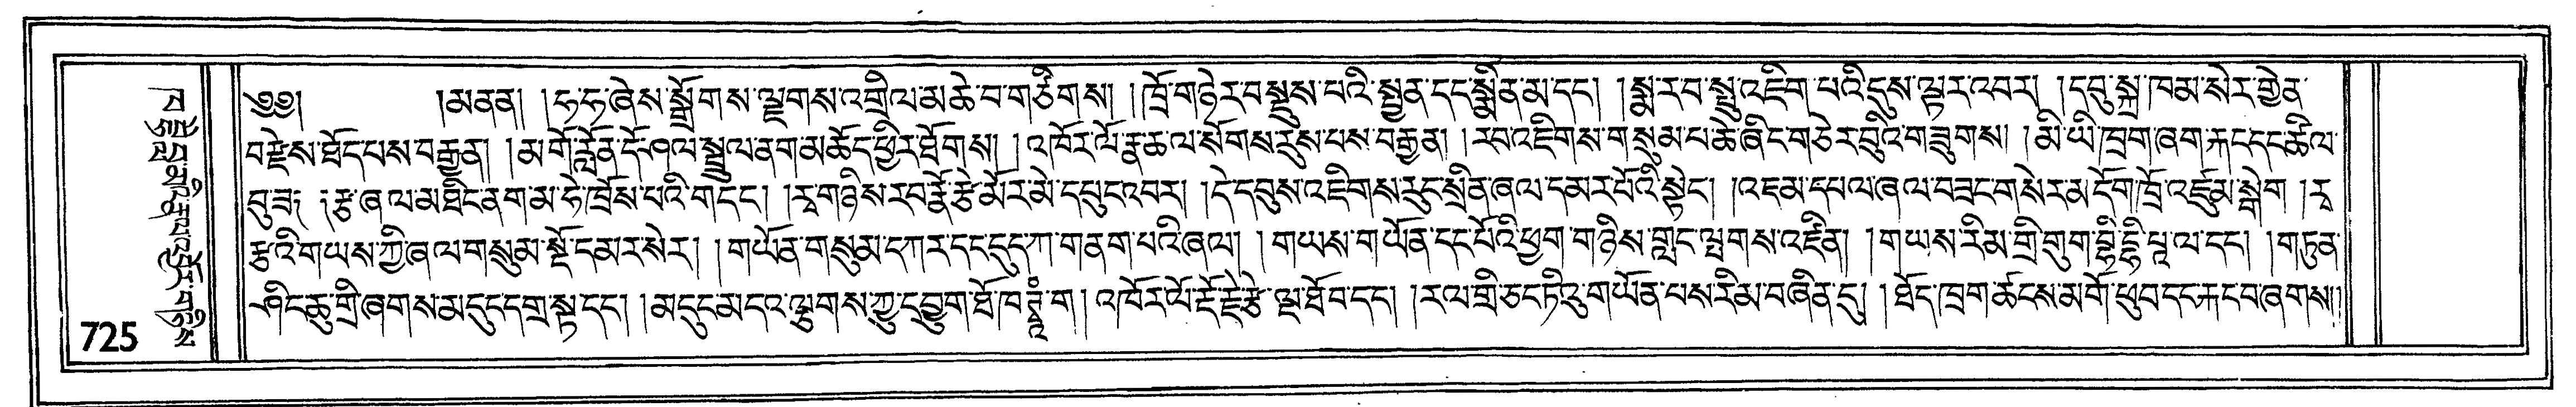༄༅། །མནན། །ཧ་ཧ་ཞེས་སྒྲོགས་ལྗགས་འགྲིལ་མཆེ་བ་གཙིགས། །ཁྲོ་གཉེར་བསྡུས་པའི་སྤྱན་དང་སྨིན་མ་དང་། །སྨ་ར་བ་སྤུ་འཇིག་པའི་དུས་ལྟར་འབར། །དབུ་སྐྲ་ཁམ་སེར་གྱེན་
བརྫེས་ཐོད་པས་བརྒྱན། །མགོ་རློན་དོ་ཤལ་སྦྲུལ་ནག་མཆོད་ཕྱིར་ཐོགས། །འཁོར་ལོ་རྣ་ཆ་ལ་སོགས་རུས་པས་བརྒྱན། །རབ་འཇིགས་གསུམ་པ་ཆེ་ཞིང་གཅེར་བུའི་གཟུགས། །མི་ཡི་ཁྲག་ཞག་རྐང་དང་ཚིལ་
བུ་ཟ༑ ༑རྩ་ཞལ་མཐིང་ནག་མ་ཧེ་ཁྲོས་པའི་གདང་། །རྭ་གཉིས་རབ་རྣོ་རྩེ་མོར་མེ་དཔུང་འབར། །དེ་དབུས་འཇིགས་རུང་སྲིན་ཞལ་དམར་པོའི་སྟེང་། །འཇམ་དཔལ་ཞལ་བཟང་གསེར་མདོག་ཁྲོ་འཛུམ་སྒེག །རྭ་
རྩའི་གཡས་ཀྱི་ཞལ་གསུམ་སྡོ་དམར་སེར། །གཡོན་གསུམ་དཀར་དང་དུད་ཀ་གནག་པའི་ཞལ། །གཡས་གཡོན་དང་པོའི་ཕྱག་གཉིས་གླང་ལྤགས་འཛིན། །གཡས་རིམ་གྲི་གུག་བྷི་དྷི་པཱ་ལ་དང་། །གཏུན་
ཤིང་ཆུ་གྲི་ཞགས་མདུང་དགྲ་སྟ་དང་། །མདུང་མདའ་ལྕགས་ཀྱུ་དབྱུག་ཐོ་ཁཊྭཱཾ་ག །འཁོར་ལོ་རྡོ་རྗེ་རྩེ་ལྔ་ཐོ་བ་དང་། །རལ་གྲི་ཅང་ཏིའུ་གཡོན་པས་རིམ་བཞིན་དུ། །ཐོད་ཁྲག་ཚངས་མགོ་ཕུབ་དང་རྐང་བ་ཞགས། །